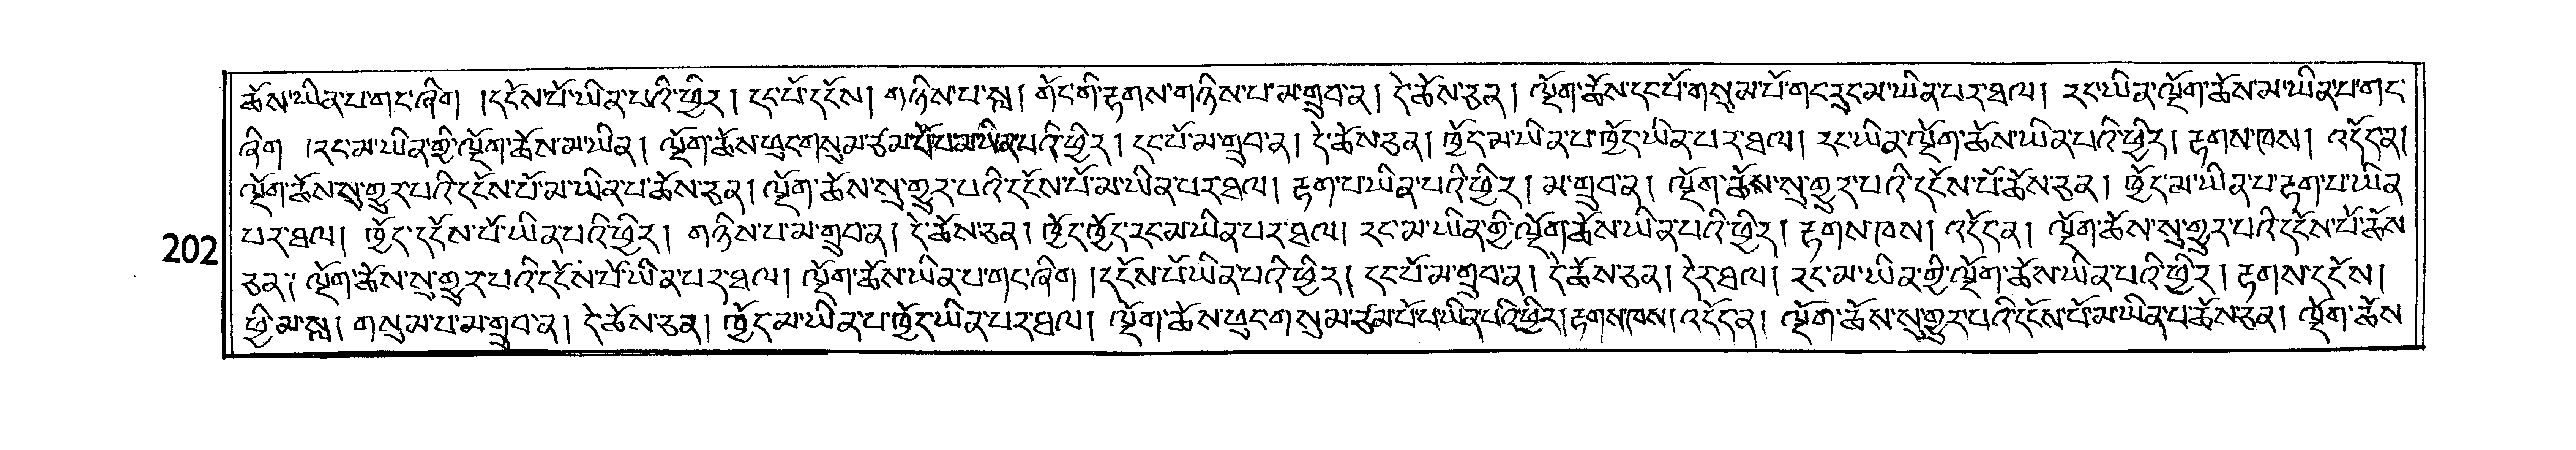ཆོས་ཡིན་པ་གང་ཞིག །དངོས་པོ་ཡིན་པའི་ཕྱིར། དང་པོ་དངོས། གཉིས་པ་སླ། གོང་གི་རྟགས་གཉིས་པ་མ་གྲུབ་ན། དེ་ཆོས་ཅན། ལྡོག་ཆོས་དང་པོ་གསུམ་པོ་གང་རུང་མ་ཡིན་པར་ཐལ། རང་ཡིན་ལྡོག་ཆོས་མ་ཡིན་པ་གང་
ཞིག །རང་མ་ཡིན་གྱི་ལྡོག་ཆོས་མ་ཡིན། ལྡོག་ཆོས་ཕུང་གསུམ་ཙམ་པོ་པ་མ་ཡིན་པའི་ཕྱིར། དང་པོ་མ་གྲུབ་ན། དེ་ཆོས་ཅན། ཁྱོད་མ་ཡིན་པ་ཁྱོད་ཡིན་པར་ཐལ། རང་ཡིན་ལྡོག་ཆོས་ཡིན་པའི་ཕྱིར། རྟགས་ཁས། འདོད་ན།
ལྡོག་ཆོས་སུ་གྱུར་པའི་དངོས་པོ་མ་ཡིན་པ་ཆོས་ཅན། ལྡོག་ཆོས་སུ་གྱུར་པའི་དངོས་པོ་མ་ཡིན་པར་ཐལ། རྟག་པ་ཡིན་པའི་ཕྱིར། མ་གྲུབ་ན། ལྡོག་ཆོས་སུ་གྱུར་པའི་དངོས་པོ་ཆོས་ཅན། ཁྱོད་མ་ཡིན་པ་རྟག་པ་ཡིན་
པར་ཐལ། ཁྱོད་དངོས་པོ་ཡིན་པའི་ཕྱིར། གཉིས་པ་མ་གྲུབ་ན། དེ་ཆོས་ཅན། ཁྱོད་ཁྱོད་རང་མ་ཡིན་པར་ཐལ། རང་མ་ཡིན་གྱི་ལྡོག་ཆོས་ཡིན་པའི་ཕྱིར། རྟགས་ཁས། འདོད་ན། ལྡོག་ཆོས་སུ་གྱུར་པའི་དངོས་པོ་ཆོས་
ཅན༑ ལྡོག་ཆོས་སུ་གྱུར་པའི་དངོས་པོ་ཡིན་པར་ཐལ། ལྡོག་ཆོས་ཡིན་པ་གང་ཞིག །དངོས་པོ་ཡིན་པའི་ཕྱིར། དང་པོ་མ་གྲུབ་ན། དེ་ཆོས་ཅན། དེར་ཐལ། རང་མ་ཡིན་གྱི་ལྡོག་ཆོས་ཡིན་པའི་ཕྱིར། རྟགས་དངོས།
ཕྱི་མ་སླ། གསུམ་པ་མ་གྲུབ་ན། དེ་ཆོས་ཅན། ཁྱོད་མ་ཡིན་པ་ཁྱོད་ཡིན་པར་ཐལ། ལྡོག་ཆོས་ཕུང་གསུམ་ཙམ་པོ་པ་ཡིན་པའི་ཕྱིར། རྟགས་ཁས། འདོད་ན། ལྡོག་ཆོས་སུ་གྱུར་པའི་དངོས་པོ་མ་ཡིན་པ་ཆོས་ཅན། ལྡོག་ཆོས་